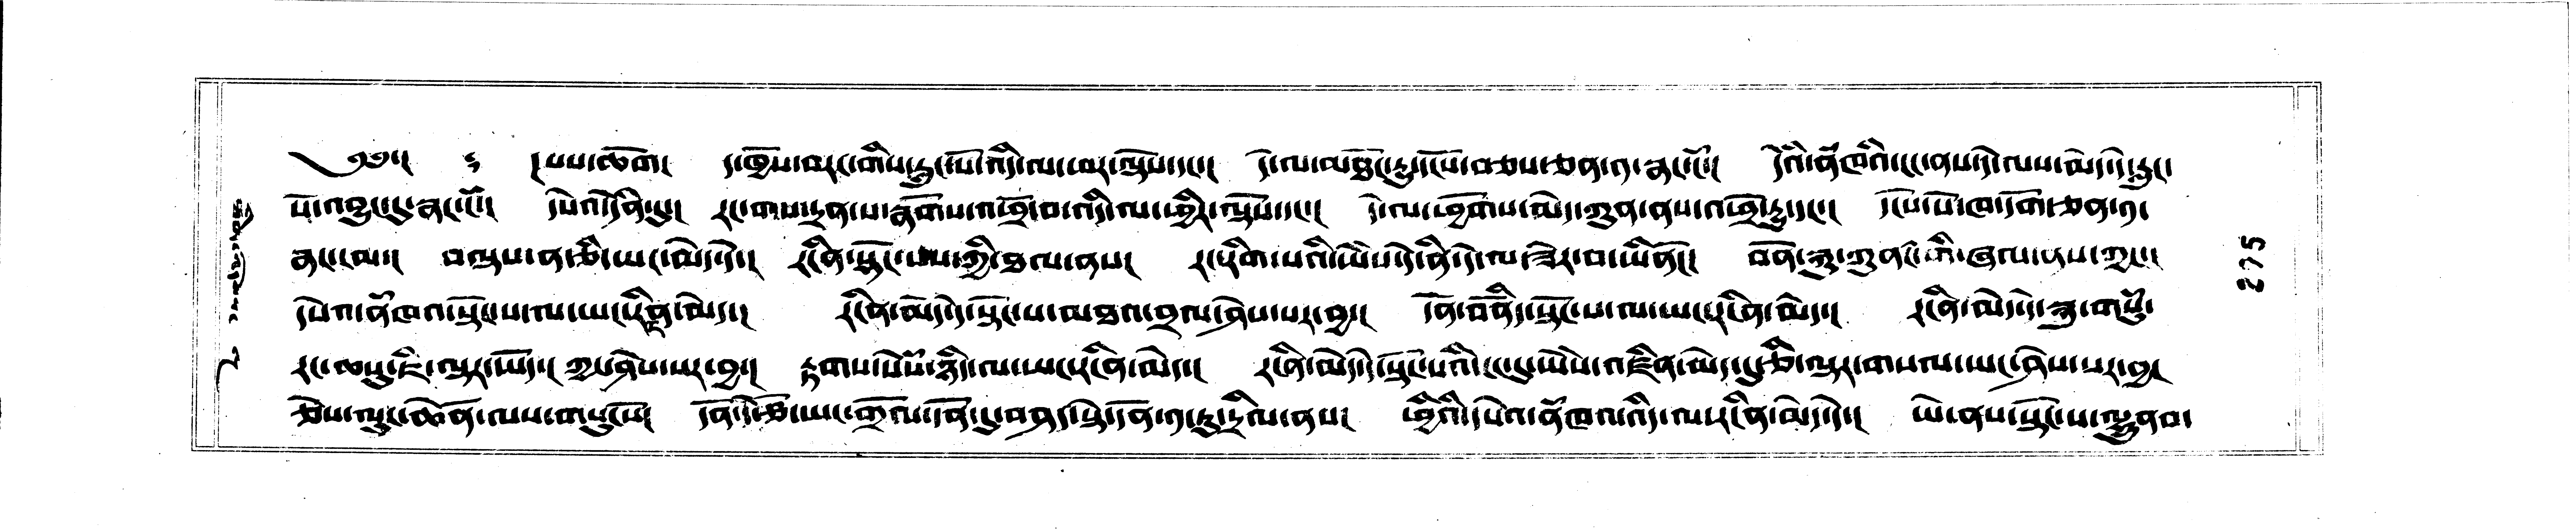པས་ཆོག་གོ ད་ཁྱོས་བར་སྣང་གིས་རླུང་པོ་འདི་ལ་ཕར་ལྟོས་དང་། དེ་ལ་མཐོང་རྒྱུ་དངོས་བཅས་ཅན་གཅིག་སྣང་ངམ། དེ་ནམ་མཁའི་ངང་ནས་རླུང་ཡང་སྟོང་པ་རང་
འབྱུང་དུ་སྣང་ངམ། དཔེ་དེ་བཞིན་དུ་རང་གི་དྲན་པ་སྣ་ཚོགས་འཕྲོ་བ་འདི་ལས་ཕྱིར་ལྟོས་དང་། དེ་ལ་ཕྱོགས་མེད་ཀུན་ན་འཕྲོ་རྒྱུ་དང་། དངོས་པོ་ཁ་དོག་ཅན་གཅིག་
སྣང་ངམ། བལྟས་ན་ཅི་ཡང་མེད་དེ་རང་བཞིན་སྟོང་སངས་ཀྱིས་ཐལ་ན་རང་རིག་པའི་ཡེ་ཤེས་དེ་ནི་དེ་ལ་ཟེར་བ་ཡིན་ནོ། བོན་སྐུ་ཀུན་བཟང་གིས་ཞལ་ནས་ཀྱང་། 
དཔེ་ནམ་མཁའ་སྟོང་པ་ཡང་རང་བཞིན་མེད། རང་བཞིན་མེད་དེ་སྟོང་པ་མཐའ་བྲལ་དུ་ཤེས་པར་བྱ། དོན་བོན་ཉིད་སྟོང་པ་ལའང་རང་བཞིན་མེད། རང་བཞིན་མེད་སྟེ་སྐུ་གསུམ་
རང་བཅས་སུ་ཇི་ལྟར་ཡོད་ཀྱང་ཤེས་པར་བྱ། རྟགས་སེམས་ཉིད་ལ་ཡང་རང་བཞིན་མེད། རང་བཞིན་མེད་དེ་སྟོང་པའི་ངང་དུ་ཡེ་ཤེས་འཛིན་མེད་ཅི་ལྟར་གསལ་ཡང་ཤེས་པར་བྱ། 
ཅེས་ལུང་ཆེན་པོ་ནས་གསུངས། དཔེ་དོན་དེ་ཚོ་ཡང་བཀྲོལ་དོན་དུ་བཤད་དེ། དོན་གཅིག་ཏུ་དྲིལ་ན། ཕྱིའི་དཔེ་ནམ་མཁའ་འདི་ལ་རང་བཞིན་མེད་དེ། ཡེ་ནས་སྟོང་པ་ལྷུན་གྲུབ་